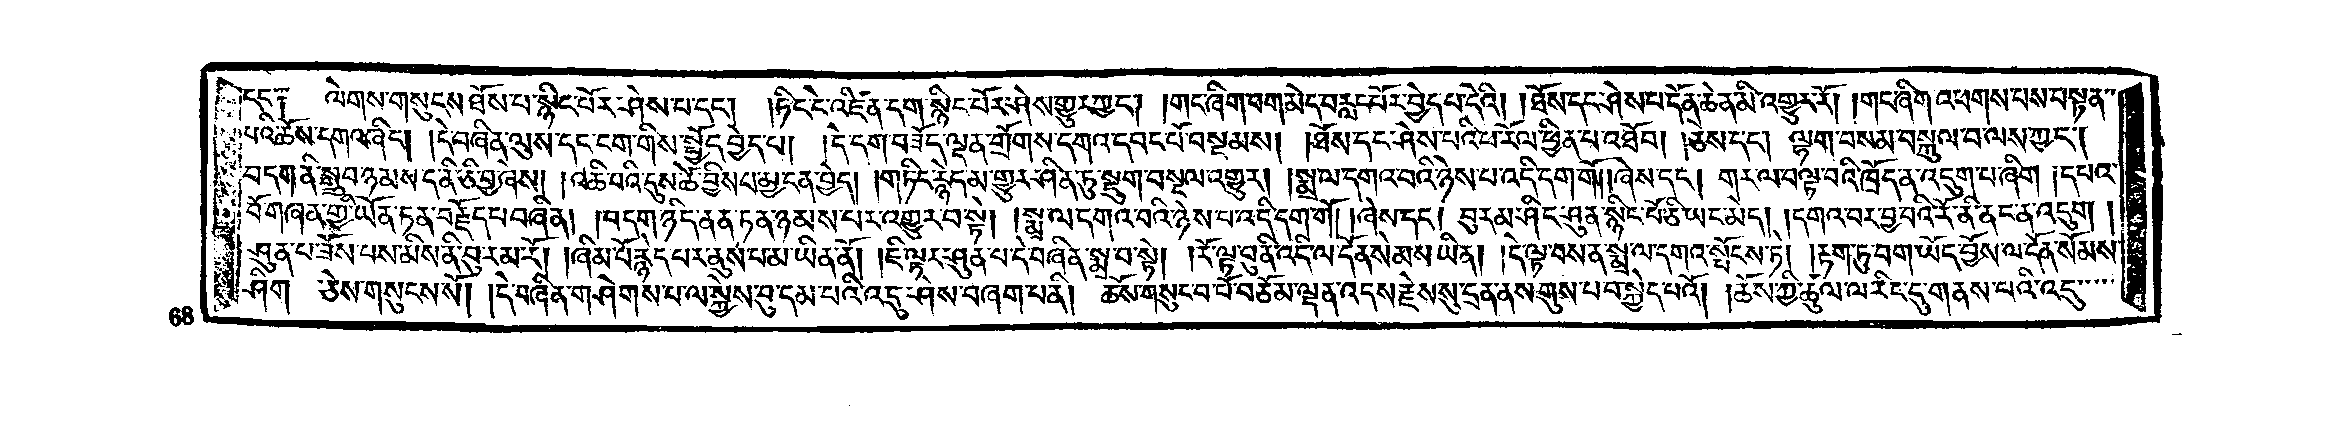དང༑ ལེགས་གསུངས་ཐོས་པ་སྙིང་པོར་ཤེས་པ་དང་། །ཏིང་ངེ་འཛིན་དག་སྙིང་པོར་ཤེས་གྱུར་ཀྱང་། །གང་ཞིག་བག་མེད་བརླང་པོར་བྱེད་པ་དེའི། །ཐོས་དང་ཤེས་པ་དོན་ཆེན་མི་འགྱུར་རོ། །གང་ཞིག་འཕགས་པས་བསྟན་
པའི་ཆོས་དགའ་ཞིང་། །དེ་བཞིན་ལུས་དང་ངག་གིས་སྤྱོད་བྱེད་པ། །དེ་དག་བཟོད་ལྡན་གྲོགས་དགའ་དབང་པོ་བསྡམས། །ཐོས་དང་ཤེས་པའི་ཕ་རོལ་ཕྱིན་པ་འཐོབ། །ཅེས་དང་། ལྷག་བསམ་བསྐུལ་བ་ལས་ཀྱང་།
བདག་ནི་སྒྲུབ་ཉམས་ད་ནི་ཅི་བྱ་ཞེས། །འཆི་བའི་དུས་ཚེ་བྱིས་པ་མྱ་ངན་བྱེད། །གཏིང་རྙེད་མ་གྱུར་ཤིན་ཏུ་སྡུག་བསྔལ་འགྱུར། །སྨྲ་ལ་དགའ་བའི་ཉེས་པ་འདི་དག་གོ ། །ཞེས་དང་། གར་ལ་བལྟ་བའི་ཁྲོད་ན་འདུག་པ་ཞིག །དཔའ་
བོ་གཞན་གྱི་ཡོན་ཏན་བརྗོད་པ་བཞིན། །བདག་ཉིད་ནན་ཏན་ཉམས་པར་འགྱུར་བ་སྟེ། །སྨྲ་ལ་དགའ་བའི་ཉེས་པ་འདི་དག་གོ ། །ཞེས་དང་། བུ་རམ་ཤིང་ཤུན་སྙིང་པོ་ཅི་ཡང་མེད། །དགའ་བར་བྱ་བའི་རོ་ནི་ནང་ན་འདུག །
ཤུན་པ་ཟོས་པས་མིས་ནི་བུ་རམ་རོ། །ཞིམ་པོ་རྙེད་པར་ནུས་པ་མ་ཡིན་ནོ། །ཇི་ལྟར་ཤུན་པ་དེ་བཞིན་སྨྲ་བ་སྟེ། །རོ་ལྟ་བུ་ནི་འདི་ལ་དོན་སེམས་ཡིན། །དེ་ལྟ་བས་ན་སྨྲ་ལ་དགའ་སྤོངས་ཏེ། །རྟག་ཏུ་བག་ཡོད་བྱོས་ལ་དོན་སོམས་
ཤིག ༑ཅེས་གསུངས་སོ། །དེ་བཞིན་གཤེགས་པ་ལ་སྐྱེས་བུ་དམ་པའི་འདུ་ཤེས་བཞག་པ་ནི། ཆོས་གསུང་བ་པོ་བཅོམ་ལྡན་འདས་རྗེས་སུ་དྲན་ནས་གུས་པ་བསྐྱེད་པའོ། །ཆོས་ཀྱི་ཚུལ་ལ་རིང་དུ་གནས་པའི་འདུ་